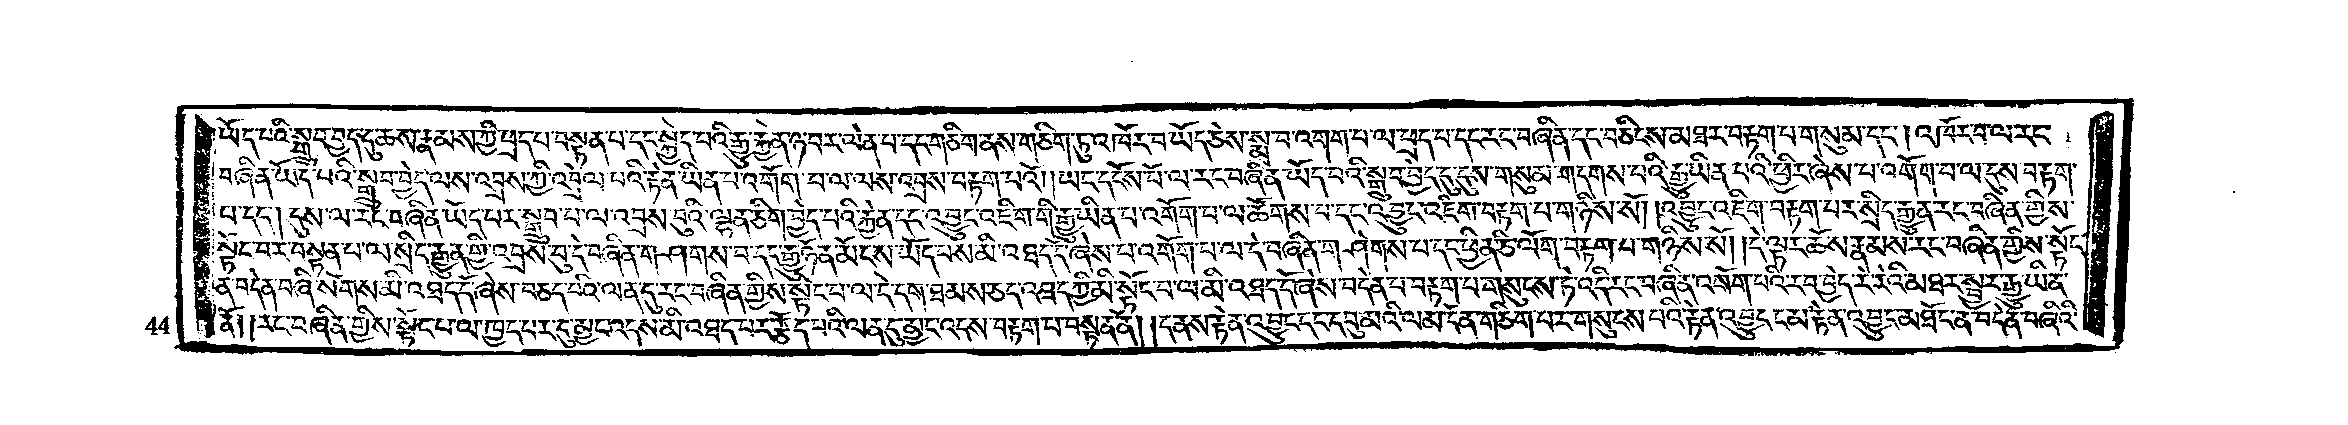ཡོད་པའི་སྒྲུབ་བྱེད་དུ་ཆས་རྣམས་ཀྱི་ཕྲད། བསྟན་པ་དང་སྐྱེད་པའི་རྒྱུ་རྐྱན་ཉེ་བར་ལེན་པ་དང་གཅིག་ནས་གཅིག་ཏུ་འཁོར་བ་ཡོད་ཅེས་སྨྲ་བ་འགག་པ་ལ་ཕྲད་པ་དང་རང་བཞིན་དང་བཅིངས་མཐར་བརྟག་པ་གསུམ་དང་། འཁོར་བ་ལ་རང་
བཞིན་ཡོད་པའི་སྒྲུབ་བྱེད་ལས་འབྲས་ཀྱི་འབྲེལ་པའི་རྟེན་ཡིན་པ་འགོག་པ་ལ་ལས་འབྲས་བརྟག་པའོ། །ཡང་དངོས་པོ་ལ་རང་བཞིན་ཡོད་པའི་སྒྲུབ་བྱེད་དུ་དུས་གསུམ་གདགས་པའི་རྒྱུ་ཡིན་པའི་ཕྱིར་ཞེས་པ་འགོག་པ་ལ་དུས་བརྟག་
པ་དད། དུས་ལ་རང་བཞིན་ཡོད་པར་སྒྲུབ་པ་ལ་འབྲས་བུའི་ལྷན་ཅིག་བྱེད་པའི་རྐྱེན་དང་འབྱུང་འཇིག་གི་རྒྱུ་ཡིན་པ་འགོག་པ་ལ་ཚོགས་པ་དང་འབྱུང་འཇིག་བརྟག་པ་གཉིས་སོ། །འབྱུང་འཇིག་བརྟག་པར་སྲིད་རྒྱུན་རང་བཞིན་གྱིས་
སྟོང་པར་བསྟན་པ་ལ་སྲིད་རྒྱུན་གྱི་འབྲས་བུ་དེ་བཞིན་གཤེགས་པ་དང་རྒྱུ་ཉོན་མོངས་ཡོད་པས་མི་འཐད་དོ་ཞེས་པ་འགོག་པ་ལ་དེ་བཞིན་གཤེགས་པ་དང་ཕྱིན་ཅི་ལོག་བརྟག་པ་གཉིས་སོ། །དེ་ལྟར་ཆོས་རྣམས་རང་བཞིན་གྱིས་སྟོང་
ན་བདེན་བཞི་སོགས་མི་འཐད་དོ་ཞེས་བཅད་པའི་ལན་དུ་རང་བཞིན་གྱིས་སྟོང་པ་ལ་དེ་དག་ཐམས་ཅད་འཐད་ཀྱི་མི་སྟོང་པ་ལ་མི་འཐད་དོ་ཞེས་བདེན་པ་བརྟག་པ་གསུངས་ཏེ་འདི་རང་བཞིན་འགོག་པའི་རབ་བྱེད་རེ་རེའི་མཐར་སྦྱར་རྒྱུ་ཡིན་
ནོ། །རང་བཞིན་གྱིས་སྟོང་པ་ལ་ཁྱད་པར་དུ་མྱང་འདས་མི་འཐད་པར་རྩོད་པའི་ལན་དུ་མྱང་འདས་བརྟག་པ་བསྟན་ནོ། །དེ་ནས་རྟེན་འབྱུང་དང་དབུ་མའི་ལམ་དོན་གཅིག་པར་གསུངས་པའི་རྟེན་འབྱུང་ངམ་རྟེན་འབྱུང་མཐོང་ན་བདེན་བཞིའི་